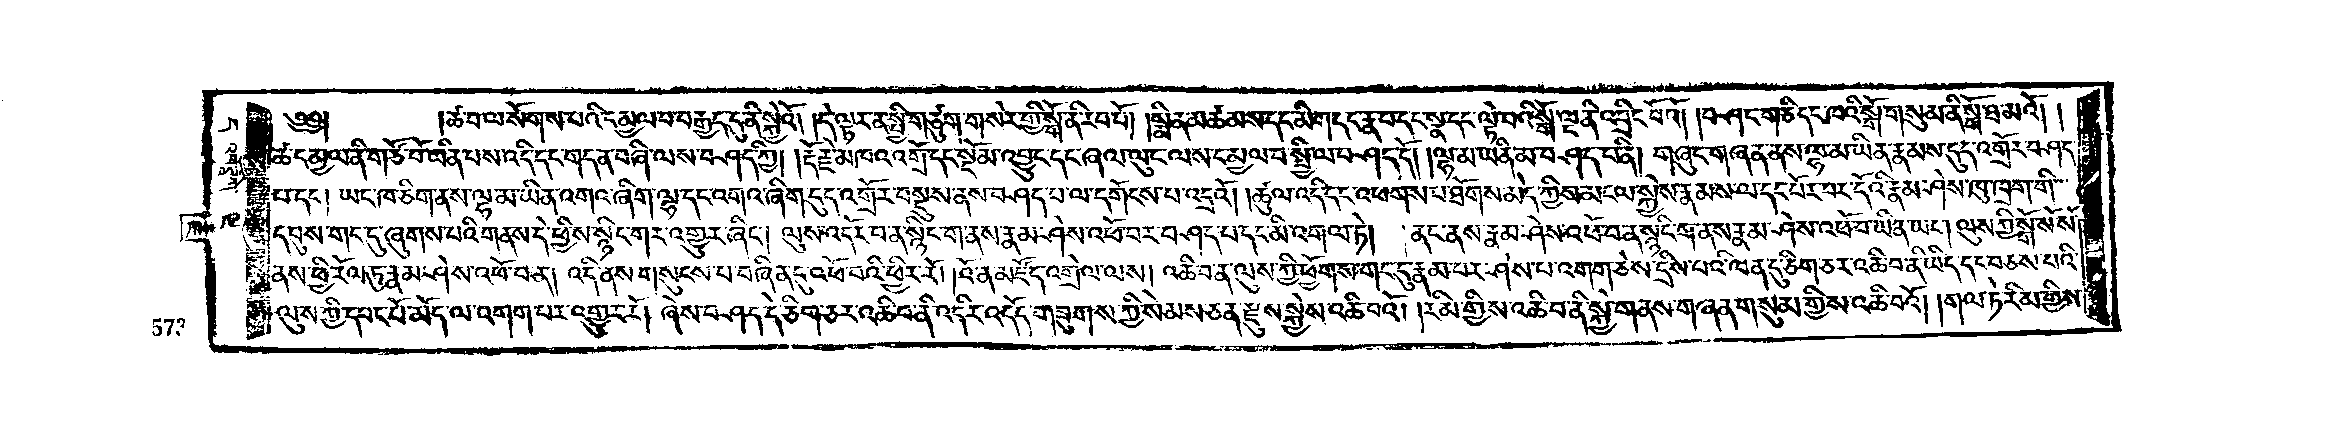༄༅། །ཚ་བ་ལ་སོགས་པའི་དམྱལ་བ་བརྒྱད་དུ་ནི་སྐྱེའོ། །དེ་ལྟར་ན་སྤྱི་གཙུག་གསེར་གྱི་སྒོ་ནི་རབ་པོ། །སྨིན་མཚམས་དང་མིག་དང་རྣ་བ་དང་སྣ་དང་ལྟེ་བའི་སྒོ་ལྔ་ནི་འབྲིང་པོའོ། །བཤང་གཅི་དང་ཁའི་སྒོ་གསུམ་ནི་སྒོ་ཐ་མའོ། །
ཚ་དམྱལ་ནི་གཙོ་བོ་ཡིན་པས་འདི་དང་གདན་བཞི་ལས་བཤད་ཀྱི། །རྡོ་རྗེ་མཁའ་འགྲོ་དང་སྡོམ་འབྱུང་དང་ཞལ་ལུང་ལས་དམྱལ་བ་སྤྱི་ལ་བཤད་དོ། །ལྷ་མ་ཡིན་མ་བཤད་པ་ནི། གཞུང་གཞན་ནས་ལྷ་མ་ཡིན་རྣམས་དུད་འགྲོར་བཤད་
པ་དང་། ཡང་ཁ་ཅིག་ནས་ལྷ་མ་ཡིན་འགའ་ཞིག་ལྷ་དང་འགའ་ཞིག་དུད་འགྲོར་བསྡུས་ནས་བཤད་པ་ལ་དགོངས་པ་འདྲའོ། །ཚུལ་འདི་དང་འཕགས་པ་ཐོགས་མེད་ཀྱིས་མངལ་སྐྱེས་རྣམས་ལ་དང་པོར་བར་དོའི་རྣམ་ཤེས་ཁུ་ཁྲག་གི་
དབུས་གང་དུ་ཞུགས་པའི་གནས་དེ་ཕྱིས་སྙིང་གར་འགྱུར་ཞིང་། ལུས་འདོར་བ་ན་སྙིང་ག་ནས་རྣམ་ཤེས་འཕོ་བར་བཤད་པ་དང་མི་འགལ་ཏེ། །ནང་ནས་རྣམ་ཤེས་འཕོ་བ་ན་སྙིང་ག་ནས་རྣམ་ཤེས་འཕོ་བ་ཡིན་ཡང་། ལུས་ཀྱི་སྒོ་སོ་སོ་
ནས་ཕྱི་རོལ་ཏུ་རྣམ་ཤེས་འཕོ་བ་ན། འདི་ནས་གསུངས་པ་བཞིན་དུ་འཕོ་བའི་ཕྱིར་རོ། །འོ་ན་མཛོད་འགྲེལ་ལས། འཆི་བ་ན་ལུས་ཀྱི་ཕྱོགས་གང་དུ་རྣམ་པར་ཤེས་པ་འགག་ཅེས་དྲིས་པའི་ལན་དུ་ཅིག་ཅར་འཆི་བ་ནི་ཡིད་དང་བཅས་པའི་
ལུས་ཀྱི་དབང་པོ་མོད་ལ་འགག་པར་འགྱུར་རོ། ཞེས་བཤད་དེ་ཅིག་ཅར་འཆི་བ་ནི་འདིར་འདོད་གཟུགས་ཀྱི་སེམས་ཅན་རྫུས་སྐྱེས་འཆི་བའོ། །རིམ་གྱིས་འཆི་བ་ནི་སྐྱེ་གནས་གཞན་གསུམ་གྱིས་འཆི་བའོ། །གལ་ཏེ་རིམ་གྱིས་